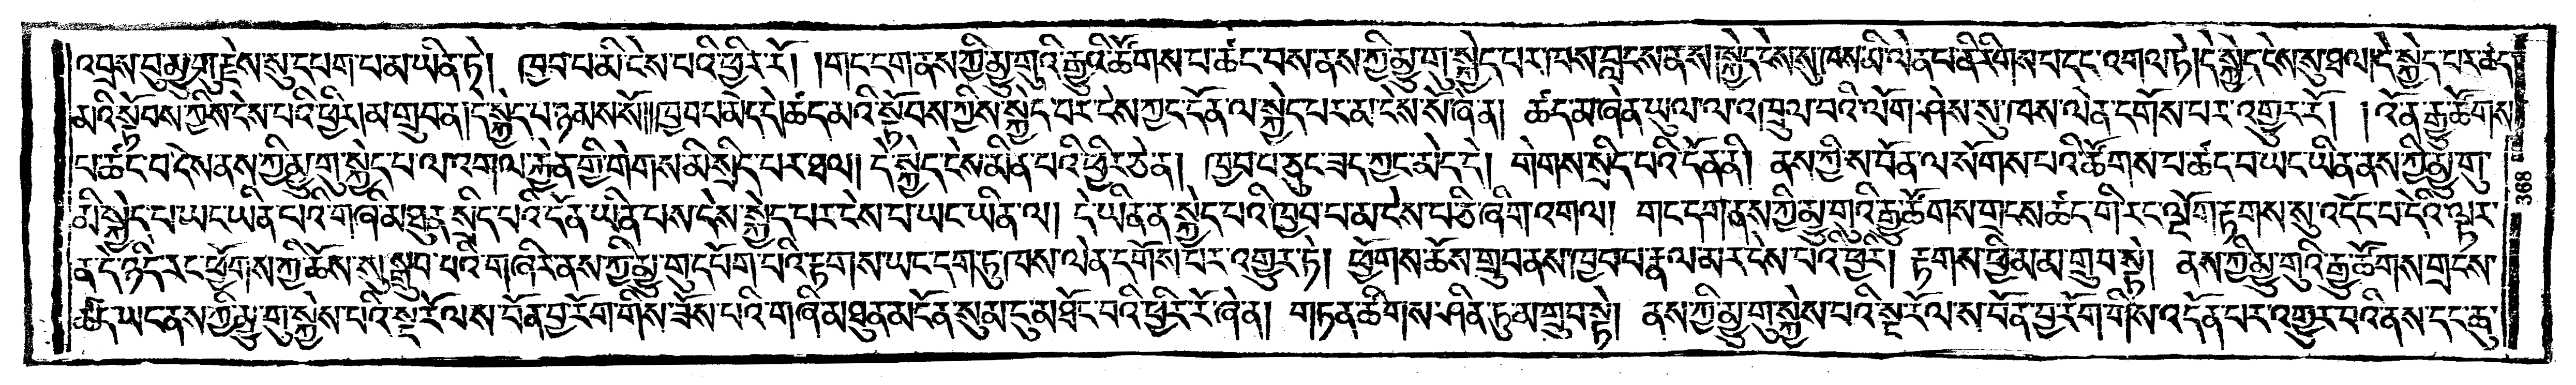འབྲས་བུ་མྱུ་གུ་རྗེས་སུ་དཔག་པ་མ་ཡིན་ཏེ། ཁྱབ་པ་མི་ངེས་པའི་ཕྱིར་རོ། །གང་དག་ནས་ཀྱི་མྱུ་གུའི་རྒྱུའི་ཚོགས་པ་ཚང་བས་ནས་ཀྱི་མྱུ་གུ་སྐྱེད་པར་ཁས་བླངས་ནས། སྐྱེད་ངེས་སུ་ཁས་མི་ལེན་པ་ནི་རིགས་པ་དང་འགལ་ཏེ། དེ་སྐྱེད་ངེས་སུ་ཐལ། དེ་སྐྱེད་པར་ཚད་
མའི་སྟོབས་ཀྱིས་ངེས་པའི་ཕྱིར། མ་གྲུབ་ན། དེ་སྐྱེད་པ་ཉམས་སོ། །ཁྱབ་པ་མེད་དེ། ཚད་མའི་སྟོབས་ཀྱིས་སྐྱེད་པར་ངེས་ཀྱང་དོན་ལ་སྐྱེད་པར་མ་ངེས་སོ་ཞེ་ན། ཚད་མ་ཞེན་ཡུལ་ལ་འཁྲུལ་བའི་ལོག་ཤེས་སུ་ཁས་ལེན་དགོས་པར་འགྱུར་རོ། །འོ་ན་རྒྱུ་ཚོགས་
པ་ཚང་བ་དེས་ནས་ཀྱི་མྱུ་གུ་སྐྱེད་པ་ལ་འགལ་རྐྱེན་གྱི་གེགས་མི་སྲིད་པར་ཐལ། དེ་སྐྱེད་ངེས་མིན་པའི་ཕྱིར་ཅེ་ན། ཁྱབ་པ་ཅུང་ཟད་ཀྱང་མེད་དེ། གེགས་སྲིད་པའི་དོན་ནི། ནས་ཀྱི་ས་བོན་ལ་སོགས་པའི་ཚོགས་པ་ཚད་བ་ཡང་ཡིན་ནས་ཀྱི་མྱུ་གུ་
མི་སྐྱེད་པ་ཡང་ཡིན་པའི་གཞི་མཐུན་སྲིད་པའི་དོན་ཡིན་པས་དེས་སྐྱེད་པར་ངེས་པ་ཡང་ཡིན་ལ། དེ་ཡིན་ན་སྐྱེད་པའི་ཁྱབ་པ་མ་ངེས་པ་ཅི་ཞིག་འགལ། གང་དག་ནས་ཀྱི་མྱུ་གུའི་རྒྱུ་ཚོགས་གྲངས་ཚད་གི་རང་ལྡོག་རྟགས་སུ་འདོད་པ་དེའི་ལྟར་
ན་དེ་ཉིད་རང་ཕྱོགས་ཀྱི་ཆོས་སུ་སྒྲུབ་པའི་གཞིར་ནས་ཀྱི་མྱུ་གུ་དཔོག་པའི་རྟགས་ཡང་དག་ཏུ་ཁས་ལེན་དགོས་པར་འགྱུར་ཏེ། ཕྱོགས་ཆོས་གྲུབ་ནས་ཁྱབ་པ་རྣལ་མར་ངེས་པའི་ཕྱིར། རྟགས་ཕྱི་མ་མ་གྲུབ་སྟེ། ནས་ཀྱི་མྱུ་གུའི་རྒྱུ་ཚོགས་གྲངས་
ཚད་ཡང་ནས་ཀྱི་མྱུ་གུ་སྐྱེས་པའི་སྔ་རོལ་ས་བོན་བྱ་རོག་གིས་ཟོས་པའི་གཞི་མཐུན་མངོན་སུམ་དུ་མཐོང་བའི་ཕྱིར་རོ་ཞེ་ན། གཏན་ཚིགས་ཤིན་ཏུ་མ་གྲུབ་སྟེ། ནས་ཀྱི་མྱུ་གུ་སྐྱེས་པའི་སྔ་རོལ་ས་བོན་བྱ་རོག་གིས་འདོན་པར་འགྱུར་བའི་ནས་དང་ཆུ་